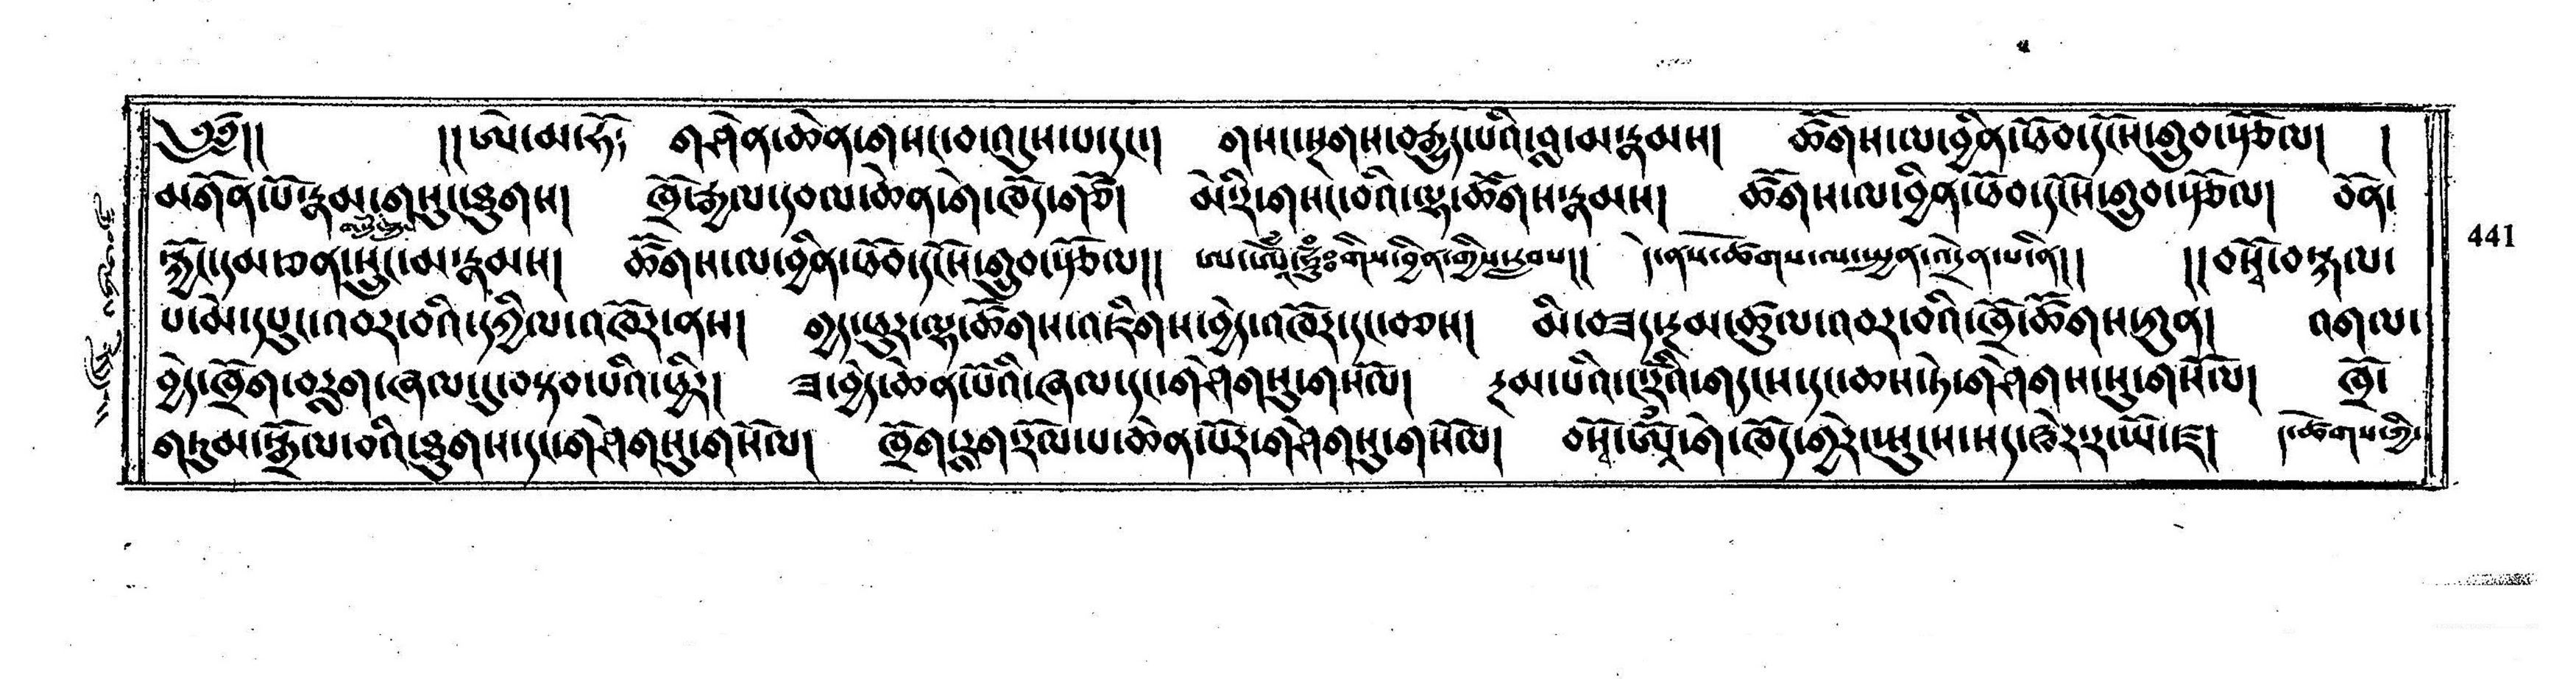།།ཨེ་མ་ཧོ། གཤེན་ཆེན་གསང་བ་འདུས་པ་དང་། གསང་སྔགས་བརྒྱུད་པའི་བླ་མ་རྣམས། ཚོགས་ལ་བྱིན་ཕོབ་{454}དངོས་གྲུབ་སྩོལ། 
མགོན་པོ་རྣམ་གསུམ་སྐུ་གསུང་ཐུགས། ཁྲོ་རྒྱལ་དབལ་ཆེན་གེ་ཁོད་གཙོ། མེ་རི་གསང་བའི་ལྷ་ཚོགས་རྣམས། ཚོགས་ལ་བྱིན་ཕོབ་དངོས་གྲུབ་སྩོལ། བོན་
སྐྱོང་དམ་ཅན་སྲུང་མ་རྣམས། ཚོགས་ལ་བྱིན་ཕོབ་དངོས་གྲུབ་སྩོལ།། ཨ་ཨཱོཾ་ཧཱུྃཿགིས་བྱིན་གྱིས་རླབས། དེ་ནས་ཚོགས་སྤྱན་འདྲེན་པ་ནི།། །།བསྭོ་བསྐལ་
པ་མེ་དཔུང་འབར་བའི་དཀྱིལ་འཁོར་ནས། གྱད་ཕུར་ལྷ་ཚོགས་འཇིགས་བྱེད་འཁོར་དང་བཅས། མི་བཟད་རྔམ་ཚུལ་འབར་བའི་ཁྲོ་ཚོགས་ཀུན། འགལ་
བྱེད་ཁྲོག་བརླག་ཞལ་དུ་བསྟབ་པའི་ཕྱིར། ཟ་བྱེད་ཆེན་པོའི་ཞལ་དང་གཤེགས་སུ་གསོལ། རྔམ་པའི་ང་རོའི་གདངས་དང་ཆས་ཏེ་གཤེགས་སུ་གསོལ། ཁྲོ་
གཏུམ་སྒྲོལ་བའི་ཐུགས་དང་གཤེགས་སུ་གསོལ། ཁྲོག་རླག་རོལ་པ་ཆེན་པོར་གཤེགས་སུ་གསོལ། བསྭོ་ཨཱོཾ་གེ་ཁོད་གྱེར་སྤུངས་སད་ཝེར་ར་ཡོ་ཛ། ད་ཚོགས་ཀྱི་